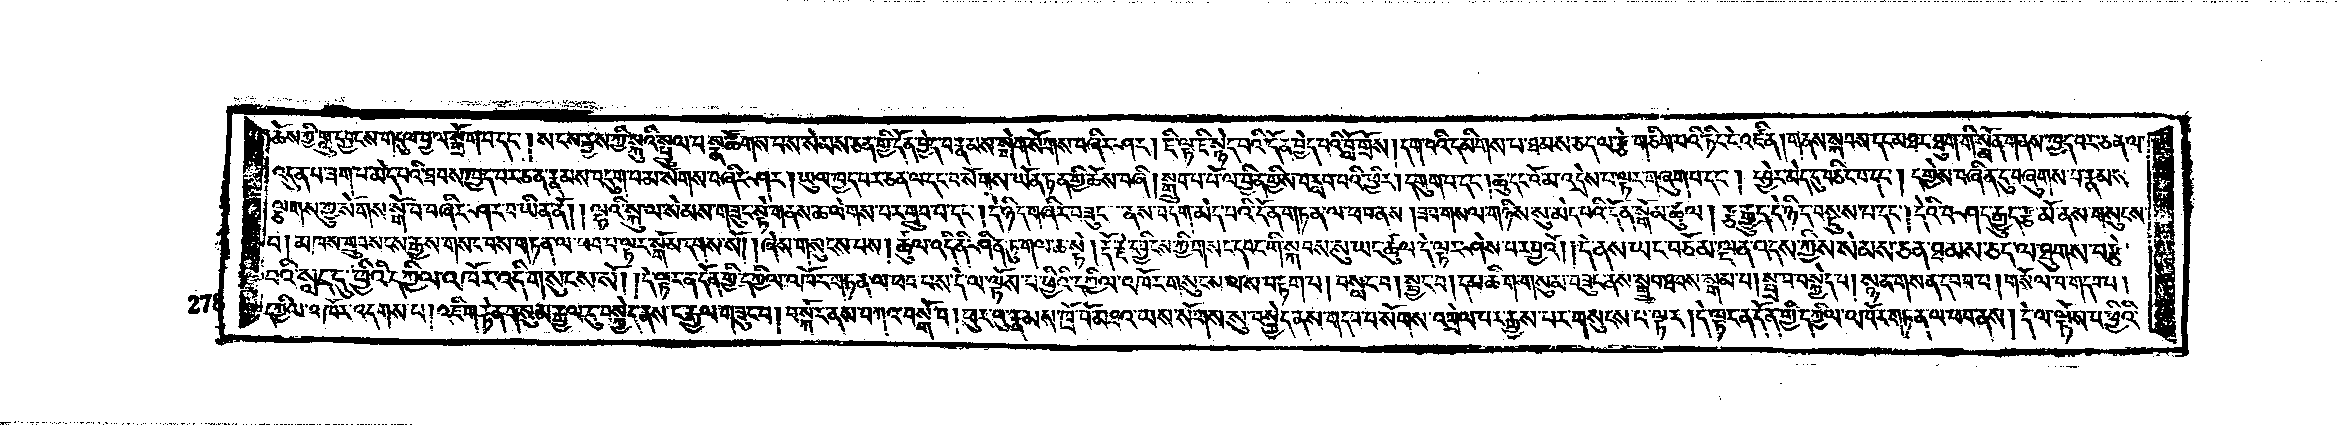ཆོས་ཀྱི་གླུ་དབྱངས་གདུལ་བྱ་ལ་སྒྲོག་པ་དང་། སངས་རྒྱས་ཀྱི་སྐུའི་སྤྲུལ་པ་སྣ་ཚོགས་བས་སེམས་ཅན་གྱི་དོན་བྱེད་པ་རྣམས་སྒེག་སོགས་བཞིར་ཤར། ཇི་ལྟར་ཇི་སྙེད་པའི་དོན་བྱེད་པའི་བློག་གྲོས། དག་པའི་དམིགས་པ་ཐམས་ཅད་ལ་རྩེ་གཅིག་པའི་ཏིང་ངེ་འཛིན། གནས་ཀབས་དང་མཐར་ཐུག་གི་སྨིན་གནས་ཁྱད་པར་ཅན་ལ་
འདུན་པ་ཞག་པ་མེད་པའི་ཐབས་ཁྱད་པར་ཅན་རྣམས་བདུག་པ་མ་སོགས་བཞིར་ཤར། ཡུལ་ཁྱད་པར་ཅན་ལ་དང་བ་སོགས་ཡོན་ཏན་གྱི་ཆོས་བཞི། སྒྲུབ་པ་པོ་ལ་བྱིན་གྱིས་བརླབ་པའི་ཕྱིར། དགུག་པ་དང་། ཆུ་དང་འོ་མ་འདྲེས་པ་ལྟར་གཞུག་པ་དང་། དབྱེར་མེད་དུ་བཅིང་བ་དང་། དགྱེས་བཞིན་དུ་བཞུགས་པ་རྣམས་
ལྕགས་ཀྱུ་སོགས་སྒོ་བ་བཞིར་ཤར་བ་ཡིན་ནོ། །ལྷའི་སྐུ་ལ་སེམས་གཟུགས་སྟེ་གནས་ཆ་ལེགས་པར་གྲུབ་པ་དང་། དེ་ཉིད་གཞིར་བཟུང་ནས་བདག་མེད་པའི་དོན་གཏན་ལ་ཕབ་ནས། ཟབ་གསལ་གཉིས་སུ་མེད་པའི་དོན་སྒོམ་ཚུལ། རྩ་རྒྱུད་དེ་ཉིད་བསྡུས་པ་དང་། དེའི་བཤད་རྒྱུ་རྩ་མོ་ནས་གསུངས་
པ་མཁས་གྲུབ་སངས་རྒྱས་གསང་བས་གཏན་ལ་ཕབ་པ་ལྟ་སྒོམ་དགོས་སོ། །ཞེས་གསུངས་པས། ཚུལ་འདི་ནི་ཤིན་ཏུ་གལ་ཆེ་སྟེ། རྡོ་རྗེ་དབྱིངས་ཀྱི་གསང་དབང་གྱི་སྐབས་སུ་ཡང་ཚུལ་དེ་ལྟར་ཤེས་པར་བྱའོ། །དེ་ནས་ཡང་བཅོམ་ལྡན་འདས་ཀྱིས་སེམས་ཅན་ཐམས་ཅད་ལ་ཐུགས་བརྩེ་
བའི་སླད་དུ་ཕྱིའི་དཀྱིལ་འཁོར་འདི་གསུངས་སོ། །དེ་ལྟར་ན་དོན་གྱི་དཀྱིལ་འཁོར་གཏན་ལ་ཕབ་པས་དེ་ལ་ལྟོས་པའི་ཕྱིའི་དཀྱིལ་འཁོར་གསུངས་ལ་སས་བརྟག་པ། བསླང་བ། སྦྱང་བ། དམ་ཚིག་གསུམ་བཟུང་ནས་སྒྲུབ་ཐབས་སྒམ་པ། སྤྲ་བ་བསྐྱེད་པ། སྙན་གསན་དབང་པ། གསོལ་བ་གདབ་པ།
དཀྱིལ་འཁོར་འདགས་པ། འཇིག་རྟེན་གསུམ་རྐྱལ་དུ་བསྐྱེད་ནས་ང་རྒྱལ་གཟུང་བ། བསྐོར་ནས་བཀའ་བསྒོ་བ། ཕུར་བུ་རྣམས་ཁྲོ་བོ་མཐའ་ཡས་སོགས་སུ་བསྐྱེད་ནས་གདབ་པ་སོགས་འགྲེལ་བར་རྒྱས་པར་གསུངས་པ་ལར། དེ་ལྟར་ན་དོན་གྱི་དཀྱིལ་འཁོར་གཏན་ལ་ཕབ་ནས། དེ་ལ་ལྟོས་པ་ཕྱིའི་